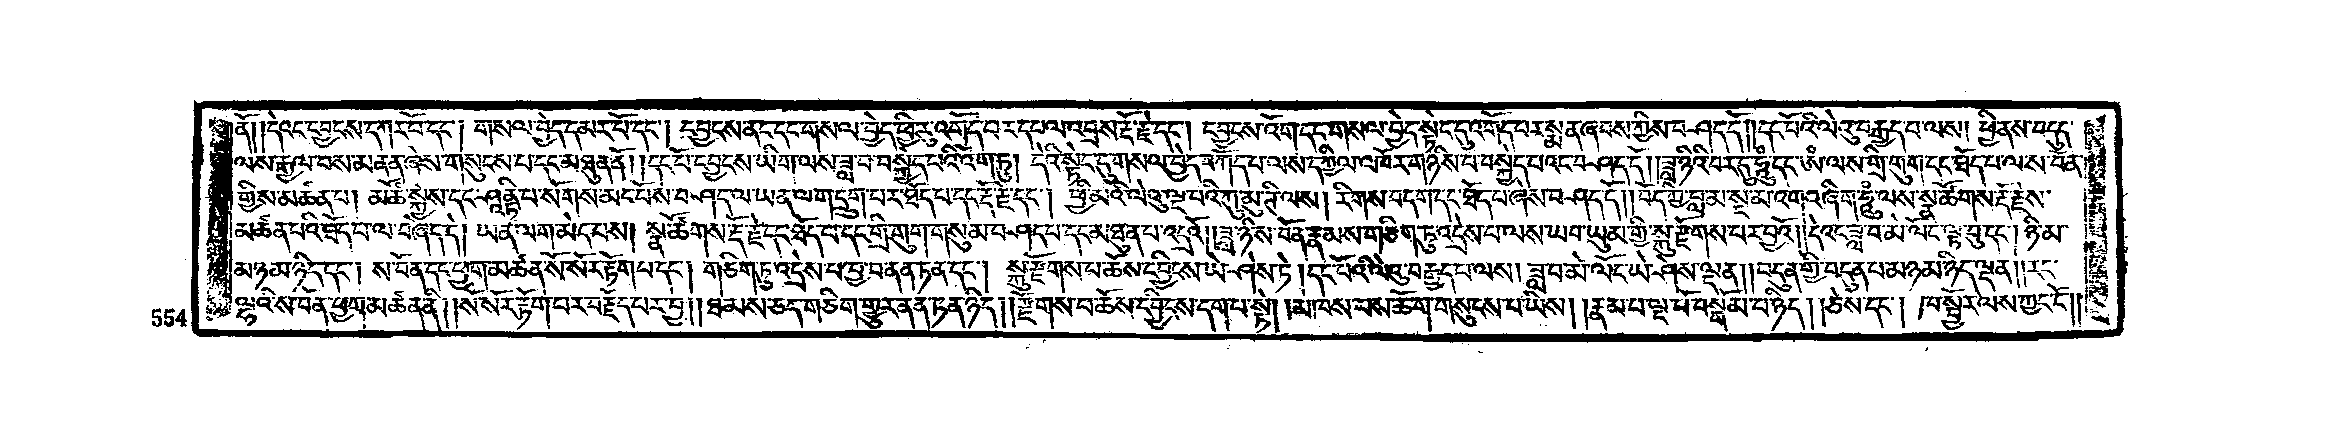ནོ། །དེའང་དབྱངས་དཀར་པོ་དང་། གསལ་བྱེད་དམར་པོ་དང་། དབྱངས་ནང་དང་གསལ་བྱེད་ཕྱི་རུ་འགོད་པར་དཔལ་འབྲས་རྡོ་རྗེ་དང་། དབྱངས་འོག་དང་གསལ་བྱེད་སྟེང་དུ་འགོད་པར་སྨན་ཞབས་ཀྱིས་བཤད་དོ། །དང་པོའི་ལེའུ་བརྒྱད་པ་ལས། ཕྱི་ནས་བདུད་
ལས་རྒྱལ་བས་མནན་ཞེས་གསུངས་པ་དང་མཐུན་ནོ། །དང་པོ་དབྱངས་ཡིག་ལས་ཟླ་བ་བསྐྱེད་པའི་འོག་ཏུ། དེའི་སྟེང་དུ་གསལ་བྱེད་བཀོད་པ་ལས་དཀྱིལ་འཁོར་གཉིས་པ་བསྐྱེད་པའང་བཤད་དོ། །ཟླ་ཉིའི་བར་དུ་ཧཱུཾ་དང་ཨཾ་ལས་གྲི་གུག་དང་ཐོད་པ་ལ་ས་བོན་
གྱིས་མཚན་པ། མཚོ་སྐྱེས་དང་ཤཱནྟི་པ་སོགས་མང་པོས་བཤད་ལ་ཡན་ལག་དྲུག་པར་ཐོད་པ་དང་རྡོ་རྗེ་དང་། ཕྱི་མའི་ལེའུ་ལྔ་པའི་ཀུ་མུ་ཊི་ལས། རིགས་བདག་དང་ཐོད་པ་ཞེས་བཤད་དོ། །བོད་ཀྱི་བླ་མ་སྔ་མ་འགའ་ཞིག་ཧཱུཾ་ལས་སྣ་ཚོགས་རྡོ་རྗེས་
མཚན་པའི་ཐོད་པ་ལ་བཞེད་དེ། ཡན་ལག་མེད་པས། སྣ་ཚོགས་རྡོ་རྗེ་དང་ཐོད་པ་དང་གྲི་གུག་གསུམ་བཤད་པ་དང་མཐུན་པ་འདྲའོ། །ཟླ་ཉི་ས་བོན་རྣམས་གཅིག་ཏུ་འདྲེས་པ་ལས་ཡབ་ཡུམ་གྱི་སྐུ་རྫོགས་པར་བྱའོ། །དེའང་ཟླ་བ་མེ་ལོང་ལྟ་བུ་དང་། ཉི་མ་
མཉམ་ཉིད་དང་། ས་བོན་དང་ཕྱག་མཚན་སོ་སོར་རྟོག་པ་དང་། གཅིག་ཏུ་འདྲེས་པ་བྱ་བ་ནན་ཏན་དང་། སྐུ་རྫོགས་པ་ཆོས་དབྱིངས་ཡེ་ཤེས་ཏེ། དང་པོའི་ལེའུ་བརྒྱད་པ་ལས། ཟླ་བ་མེ་ལོང་ཡེ་ཤེས་ལྡན། །བདུན་གྱི་བདུན་པ་མཉམ་ཉིད་ལྡན། །རང་
ལྷའི་ས་བོན་ཕྱག་མཚན་ནི། །སོ་སོར་རྟོག་པར་བརྗོད་པར་བྱ། །ཐམས་ཅད་གཅིག་གྱུར་ནན་ཏན་ཉིད། །རྫོགས་པ་ཆོས་དབྱིངས་དག་པ་སྟེ། །མཁས་པས་ཆོ་ག་གསུངས་པ་ཡིས། །རྣམ་པ་ལྔ་པོ་བསྒོམ་པ་ཉིད། །ཅེས་དང་། ཁ་སྦྱོར་ལས་ཀྱང་ངོ། །